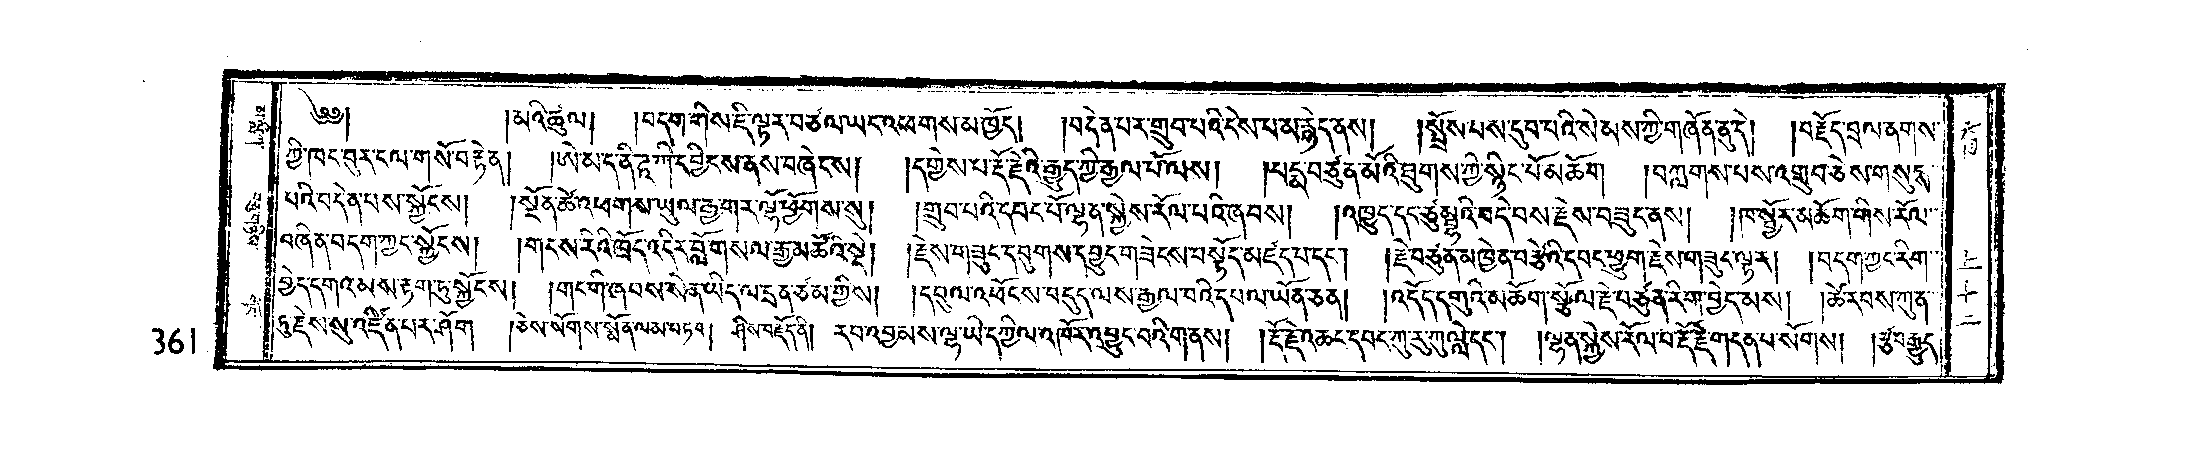༄༅། །མའི་ཚུལ། །བདག་གིས་ཇི་ལྟར་བཙལ་ཡང་འཕགས་མ་ཁྱོད། །བདེན་པར་གྲུབ་པའི་ངེས་པ་མ་རྙེད་ནས། །སྤྲོས་པས་དུབ་པའི་སེམས་ཀྱི་གཞོན་ནུ་དེ། །བརྗོད་བྲལ་ནགས་
ཀྱི་ཁང་བུར་ངལ་གསོ་བརྟེན། །ཨེ་མ་ད་ནི་ཌཱ་ཀི་དབྱིངས་ནས་བཞེངས། །དགྱེས་པ་རྡོ་རྗེའི་རྒྱུད་ཀྱི་རྒྱལ་པོ་ལས། །པདམ་བཙུན་མོའི་ཐུགས་ཀྱི་སྙིང་པོ་མཆོག །བཀླགས་པས་འགྲུབ་ཅེས་གསུངས་
པའི་བདེན་པས་སྐྱོངས། །སྔོན་ཚེ་འཕགས་ཡུལ་རྒྱ་གར་ལྷོ་ཕྱོགས་སུ། །གྲུབ་པའི་དབང་པོ་ལྷན་སྐྱེས་རོལ་པའི་ཞབས། །འཁྱུད་དང་ཙུམྦྷའི་བདེ་བས་རྗེས་བཟུང་ནས། །ཁ་སྦྱོར་མཆོག་གིས་རོལ་
བཞིན་བདག་ཀྱང་སྐྱོངས། །གངས་རིའི་ཁྲོད་འདིར་བློ་གསལ་རྒྱ་མཚོའི་སྡེ། །རྗེས་གཟུང་དབུགས་དབྱུང་གཟེངས་བསྟོད་མཛད་པ་དང་། །རྗེ་བཙུན་མཁྱེན་བརྩེའི་དབང་ཕྱུག་རྗེས་གཟུང་ལྟར། །བདག་ཀྱང་རིག་
བྱེད་དགའ་མས་རྟག་ཏུ་སྐྱོངས། །གང་གི་ཞབས་སེན་ཡིད་ལ་དྲན་ཙམ་གྱིས། །དབུལ་འཕོངས་བདུད་ལས་རྒྱལ་བའི་དཔལ་ཡོན་ཅན། །འདོད་དགུའི་མཆོག་སྩོལ་རྗེ་བཙུན་རིག་བྱེད་མས། །ཚེ་རབས་ཀུན་
ཏུ་རྗེས་སུ་འཛིན་པར་ཤོག །ཅེས་སོགས་སྨོན་ལམ་བཏབ། ཤིས་བརྗོད་ནི། རབ་འབྱམས་ལྷ་ཡི་དཀྱིལ་འཁོར་འབྱུང་བའི་གནས། །རྡོ་རྗེ་འཆང་དབང་ཀུ་རུ་ཀུལླེ་དང་། །ལྷན་སྐྱེས་རོལ་བ་རྡོ་རྗེ་གདན་པ་སོགས། །རྩ་བརྒྱུད་